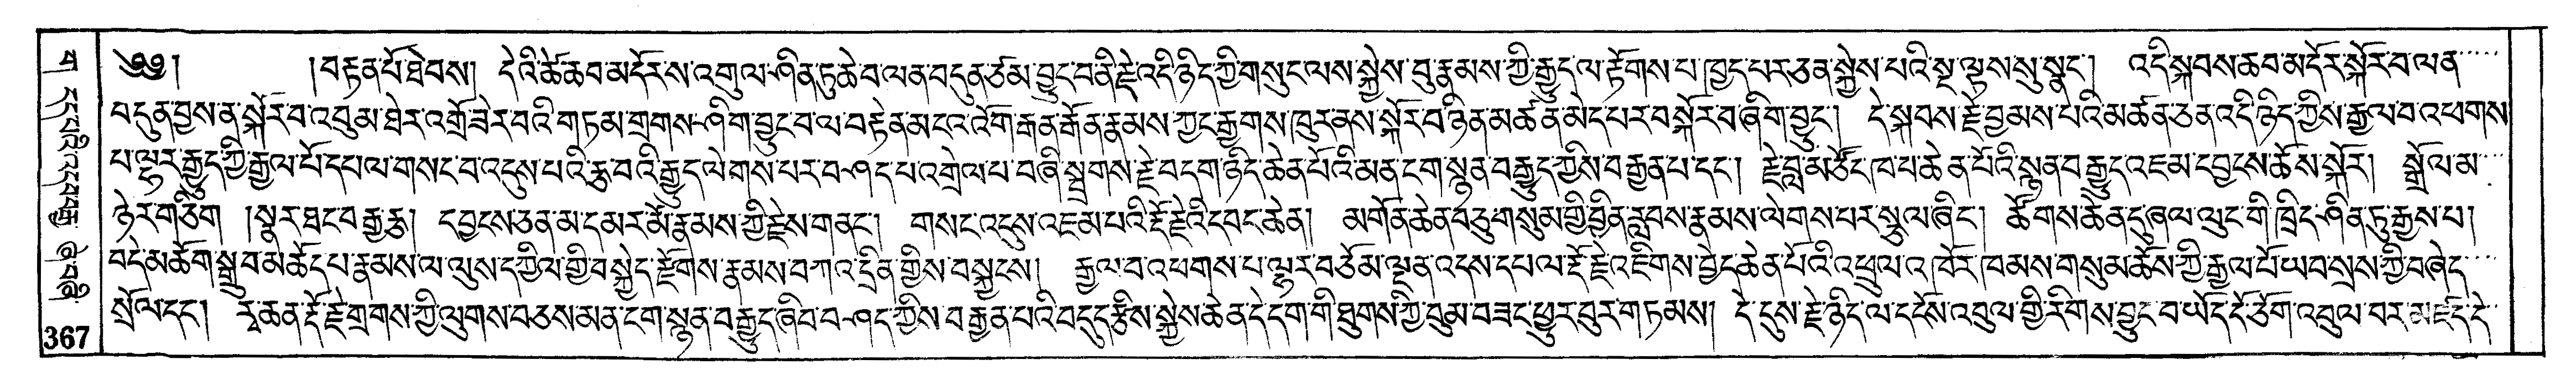༄༅། །བརྟན་པོ་ཐེབས། དེའི་ཚེ་ཆབ་མདོར་ས་འགུལ་ཤིན་ཏུ་ཆེ་བ་ལན་བདུན་ཙམ་བྱུང་བ་ནི་རྗེ་འདི་ཉིད་ཀྱི་གསུང་ལས་སྐྱེས་བུ་རྣམས་ཀྱིས་རྒྱུད་ལ་རྟོགས་པ་ཁྱད་པར་ཅན་སྐྱེས་པའི་སྔ་ལྟས་སུ་སྣང་། འདི་སྐབས་ཆབ་མདོར་སྐོར་བ་ལན་
བདུན་བྱས་ན་སྐོར་བ་འབུམ་ཐེར་འགྲོ་ཟེར་བའི་གཏམ་གྲགས་ཤིག་བྱུང་བ་ལ་བརྟེན་མངའ་འོག་རྒན་རྒོན་རྣམས་ཀྱང་རྒྱགས་ཁུར་ནས་སྐོར་བ་ཉིན་མཚན་མེད་པར་བསྐོར་བ་ཞིག་བྱུང་། དེ་སྐབས་རྗེ་བྱམས་པའི་མཚན་ཅན་འདི་ཉིད་ཀྱིས་རྒྱལ་བ་འཕགས་
པ་ལྷར་རྒྱུད་ཀྱི་རྒྱལ་པོ་དཔལ་གསང་བ་འདུས་པའི་རྩ་བའི་རྒྱུད་ལེགས་པར་བཤད་པ་འགྲེལ་པ་བཞི་སྦྲགས་རྗེ་བདག་ཉིད་ཆེན་པོའི་མན་ངག་སྙན་བརྒྱུད་ཀྱིས་བརྒྱན་པ་དང་། རྗེ་བླ་མ་ཙོང་ཁ་བ་ཆེན་པོའི་སྙན་བརྒྱུད་འཇམ་དབྱངས་ཆོས་སྐོར། སྒྲོལ་མ་
ཉེར་གཅིག །སྣར་ཐང་བརྒྱ་རྩ། དབྱངས་ཅན་མ་དམར་མོ་རྣམས་ཀྱི་རྗེས་གནང་། གསང་འདུས་འཇམ་པའི་རྡོ་རྗེའི་དབང་ཆེན། མགོན་ཆེན་བཅུ་གསུམ་གྱི་བྱིན་རླབས་རྣམས་ལེགས་པར་སྩལ་ཞིང་། ཚོགས་ཆེན་དུ་ཞལ་ལུང་གི་ཁྲིད་ཤིན་ཏུ་རྒྱས་པ།
བདེ་མཆོག་སྒྲུབ་མཆོད་པ་རྣམས་ལ་ལུས་དཀྱིལ་གྱི་བསྐྱེད་རྫོགས་རྣམས་བཀའ་དྲིན་གྱིས་བསྐྱངས། རྒྱལ་བ་འཕགས་པ་ལྷར་བཅོམ་ལྡན་འདས་དཔལ་རྡོ་རྗེ་འཇིགས་བྱེད་ཆེན་པོའི་འཕྲུལ་འཁོར་ཁམས་གསུམ་ཆོས་ཀྱི་རྒྱལ་པོ་ཡབ་སྲས་ཀྱི་བཞེད་
སྲོལ་དང་། རྭ་ཆན་རྡོ་རྗེ་གྲགས་ཀྱི་ལུགས་བཅས་མན་ངག་སྙན་བརྒྱུད་ཞིབ་བཤད་ཀྱིས་བརྒྱན་པའི་བདུད་རྩིས་སྐྱེས་ཆེན་དེ་དག་གི་ཐུགས་ཀྱི་བུམ་བཟང་ཕྱུར་བུར་གཏམས། དེ་དུས་རྗེ་ཉིད་ལ་དངོས་འབུལ་གྱི་རིགས་བྱུང་བ་ཡོད་དོ་ཅོག་འབུལ་བར་མཛད་དེ་